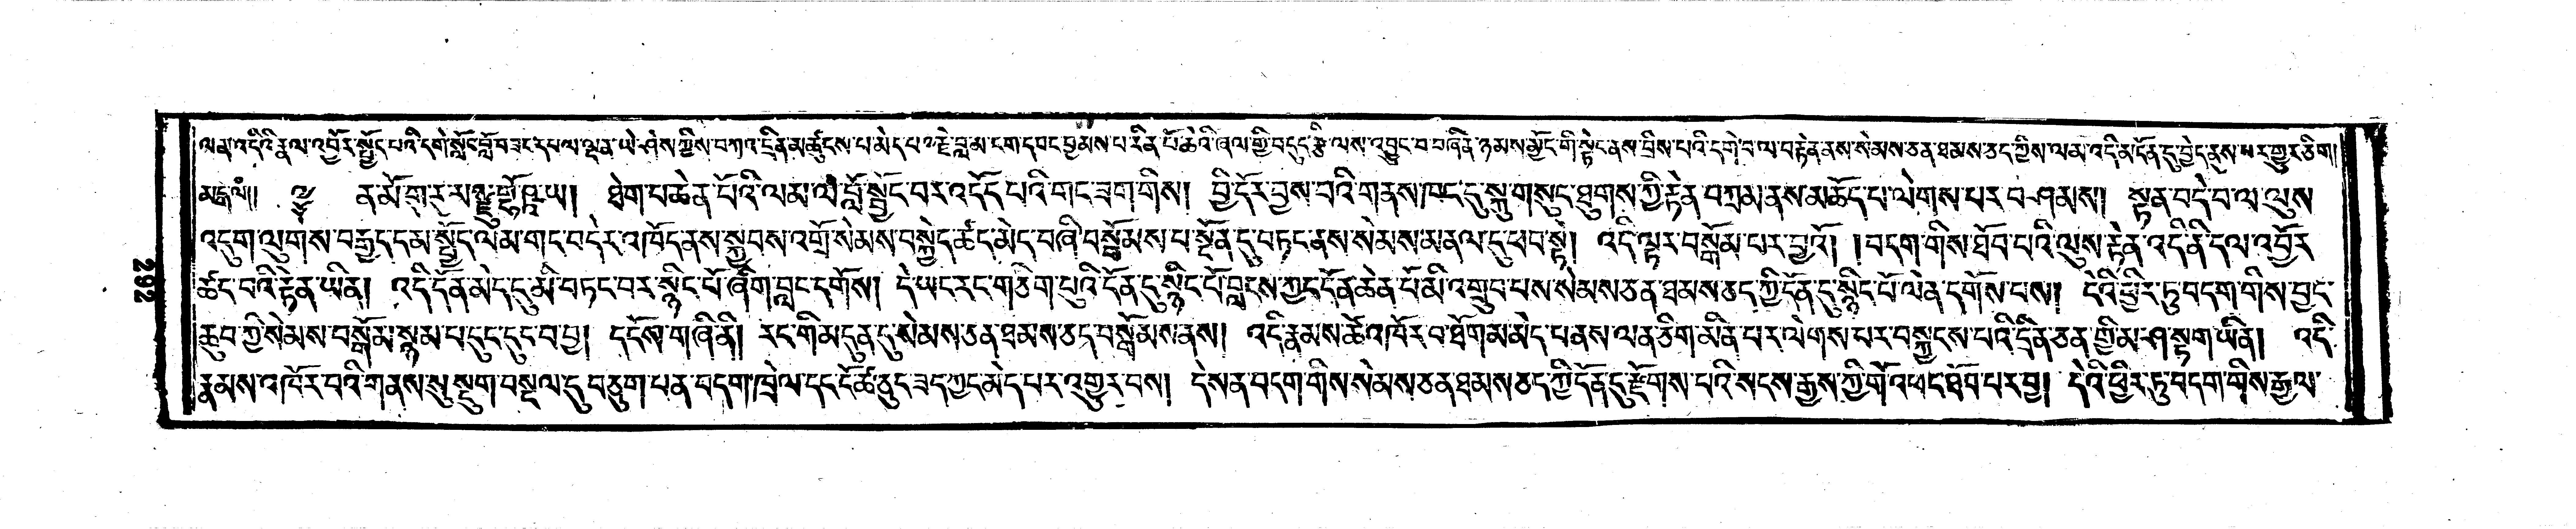ལམ་འདིའི་རྣལ་འབྱོར་སྤྱོད་པའི་དགེ་སློང་བློ་བཟང་དཔལ་ལྡན་ཡེ་ཤེས་ཀྱིས་བཀའ་དྲིན་མཚུངས་པ་མེད་པ་༧་རྗེ་བླ་མ་ངག་དབང་བྱམས་པ་རིན་པོ་ཆེའི་ཞལ་གྱི་བདུད་རྩི་ལས་འབྱུང་བ་བཞིན་ཉམས་མྱོང་གི་སྟེང་ནས་བྲིས་པའི་དགེ་བ་ལ་བརྟེན་ནས་སེམས་ཅན་ཐམས་ཅད་ཀྱིས་ལམ་འདི་མངོན་དུ་བྱེད་ནུས་པར་གྱུར་ཅིག།
མངྒ་ལཾ།། ༈ ན་མོ་གུ་རུ་མཉྫུ་གྷོ་ཥཱ་ཡ། ཐེག་པ་ཆེན་པོའི་ལམ་ལ་བློ་སྦྱོང་བར་འདོད་པའི་གང་ཟག་གིས། བྱི་དོར་བྱས་པའི་གནས་ཁང་དུ་སྐུ་གསུང་ཐུགས་ཀྱི་རྟེན་བཀྲམ་ནས་མཆོད་པ་ལེགས་པར་བཤམས། སྟན་བདེ་བ་ལ་ལུས་
འདུག་ལུགས་བརྒྱད་དམ་སྤྱོད་ལམ་གང་བདེར་འཁོད་ནས་སྐྱབས་འགྲོ་སེམས་བསྐྱེད་ཚད་མེད་བཞི་བསྦོམས་པ་སྔོན་དུ་བཏང་ནས་སེམས་མནལ་དུ་ཕབ་སྟེ། འདི་ལྟར་བསྒོམ་པར་བྱའོ། །བདག་གིས་ཐོབ་པའི་ལུས་རྟེན་འདི་ནི་དལ་འབྱོར་
ཚད་བའི་རྟེན་ཡིན། འདི་དོན་མེད་དུ་མི་བཏང་བར་སྙིང་པོ་ཞིག་བླང་དགོས། དེ་ཡང་རང་གཅིག་པུའི་དོན་དུ་སྙིང་པོ་བླངས་ཀྱང་དོན་ཆེན་པོ་མི་འགྲུབ་པས་སེམས་ཅན་ཐམས་ཅད་ཀྱི་དོན་དུ་སྙིང་པོ་ལེན་དགོས་པས། དེའི་ཕྱིར་ཏུ་བདག་གིས་བྱང་
ཆུབ་ཀྱི་སེམས་བསྒོམ་སྙམ་པ་དུང་དུང་བ་བྱ། དངོས་གཞི་ནི། རང་གི་མདུན་དུ་སེམས་ཅན་ཐམས་ཅད་བསྒོམས་ནས། འདི་རྣམས་ཚོ་འཁོར་བ་ཐོག་མ་མེད་པ་ནས་ལན་ཅིག་མིན་པར་ལེགས་པར་བསྐྱངས་པའི་དྲིན་ཅན་གྱི་མ་ཤ་སྟག་ཡིན། འདི་
རྣམས་འཁོར་བའི་གནས་སུ་སྡུག་བསྔལ་དུ་བཅུག་པ་ན་བདག་ཁྲེལ་དང་ངོ་ཚ་ཅུང་ཟད་ཀྱང་མེད་པར་འགྱུར་བས། དེས་ན་བདག་གིས་སེམས་ཅན་ཐམས་ཅད་ཀྱི་དོན་དུ་རྫོགས་པའི་སངས་རྒྱས་ཀྱི་གོ་འཕང་ཐོབ་པར་བྱ། དེའི་ཕྱིར་ཏུ་བདག་གིས་རྒྱལ་